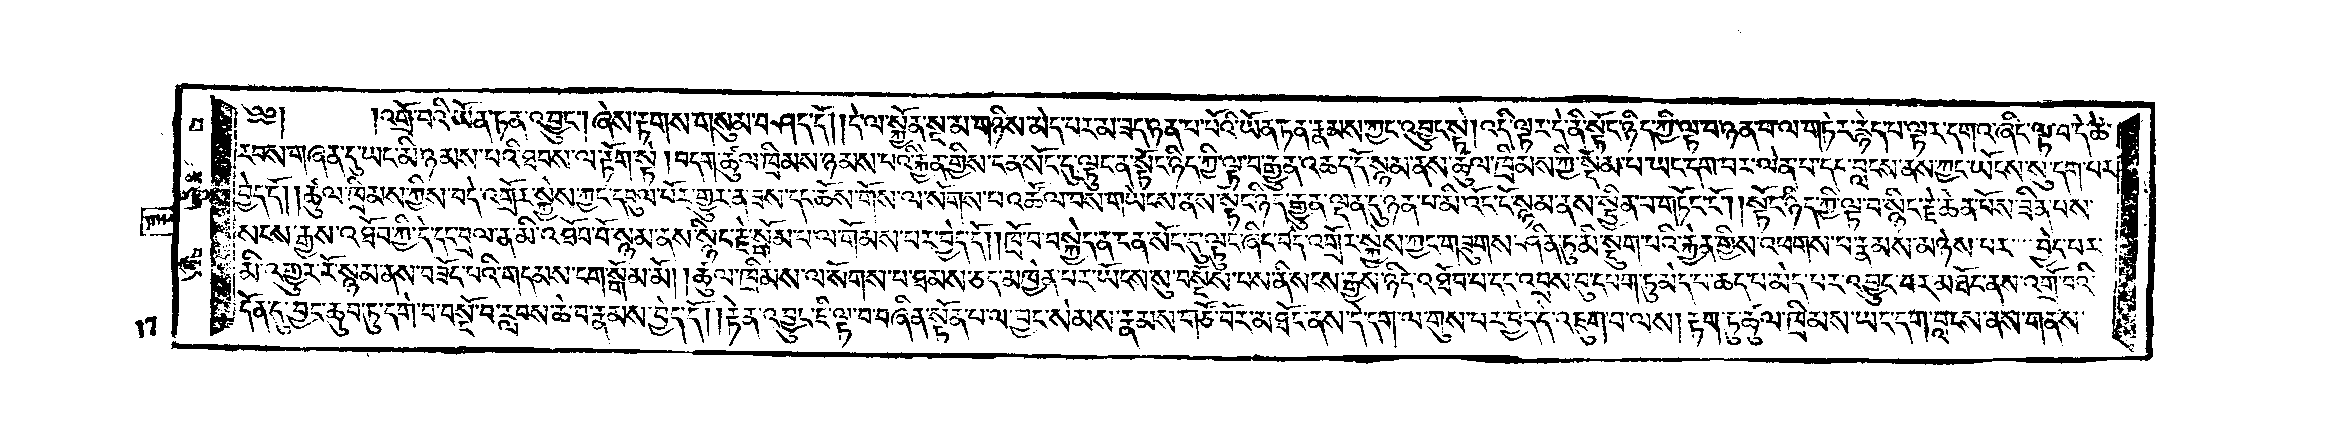༄༅། །འགྲོ་བའི་ཡོན་ཏན་འབྱུང་། ཞེས་རྟགས་གསུམ་བཤད་དོ། །དེ་ལ་སྐྱོན་སྔ་མ་གཉིས་མེད་པར་མ་ཟད་ཉན་པ་པོའི་ཡོན་ཏན་རྣམས་ཀྱང་འབྱུང་སྟེ། འདི་ལྟར་དེ་ནི་སྟོང་ཉིད་ཀྱི་ལྟ་བ་ཉན་པ་ལ་གཏེར་རྙེད་པ་ལྟར་དགའ་ཞིང་ལྟ་བ་དེ་ཚེ་
རབས་གཞན་དུ་ཡང་མི་ཉམས་པའི་ཐབས་ལ་རྟོག་སྟེ། བདག་ཚུལ་ཁྲིམས་ཉམས་པའི་རྐྱེན་གྱིས་ངན་སོང་དུ་ལྟུང་ན་སྟོང་ཉིད་ཀྱི་ལྟ་བ་རྒྱུན་འཆད་དོ་སྙམ་ནས་ཚུལ་ཁྲིམས་ཀྱི་སྡོམ་པ་ཡང་དག་པར་ལེན་པ་དང་བླངས་ནས་ཀྱང་ཡོངས་སུ་དག་པར་
བྱེད་དོ། །ཚུལ་ཁྲིམས་ཀྱིས་བདེ་འགྲོར་སྐྱེས་ཀྱང་དབུལ་པོར་གྱུར་ན་ཟས་དང་ཆོས་གོས་ལ་སོགས་པ་འཚོལ་བས་གཡེངས་ནས་སྟོང་ཉིད་རྒྱུན་ལྡན་དུ་ཉན་པ་མི་འོང་ངོ་སྙམ་ནས་སྦྱིན་པ་གཏོང་ངོ། །སྟོང་ཉིད་ཀྱི་ལྟ་བ་སྙིང་རྗེ་ཆེན་པོས་ཟིན་པས་
སངས་རྒྱས་འཐོབ་ཀྱི་དེ་དང་བྲལ་ན་མི་འཐོབ་བོ་སྙམ་ནས་སྙིང་རྗེ་སྒོམ་པ་ལ་གོམས་པར་བྱེད་དོ། །ཁྲོ་བ་བསྐྱེད་ན་ངན་སོང་དུ་ལྟུང་ཞིང་བདེ་འགྲོར་སྐྱེས་ཀྱང་གཟུགས་ཤིན་ཏུ་མི་སྡུག་པའི་རྐྱེན་གྱིས་འཕགས་པ་རྣམས་མཉེས་པར་བྱེད་པར་
མི་འགྱུར་རོ་སྙམ་ནས་བཟོད་པའི་གདམས་ངག་སྒོམ་མོ། །ཚུལ་ཁྲིམས་ལ་སོགས་པ་ཐམས་ཅད་མཁྱེན་པར་ཡོངས་སུ་བསྔོས་པས་ནི་སངས་རྒྱས་ཉིད་འཐོབ་པ་དང་འབྲས་བུ་དཔག་ཏུ་མེད་པ་ཆད་པ་མེད་པར་འབྱུང་བར་མཐོང་ནས་འགྲོ་བའི་
དོན་དུ་བྱང་ཆུབ་ཏུ་དགེ་བ་བསྔོ་བ་རླབས་ཆེ་བ་རྣམས་བྱེད་དོ། །རྟེན་འབྱུང་ཇི་ལྟ་བ་བཞིན་སྟོན་པ་ལ་བྱང་སེམས་རྣམས་གཙོ་བོར་མཐོང་ནས་དེ་དག་ལ་གུས་པར་བྱེད་དེ་འཇུག་པ་ལས། རྟག་ཏུ་ཚུལ་ཁྲིམས་ཡང་དག་བླངས་ནས་གནས་